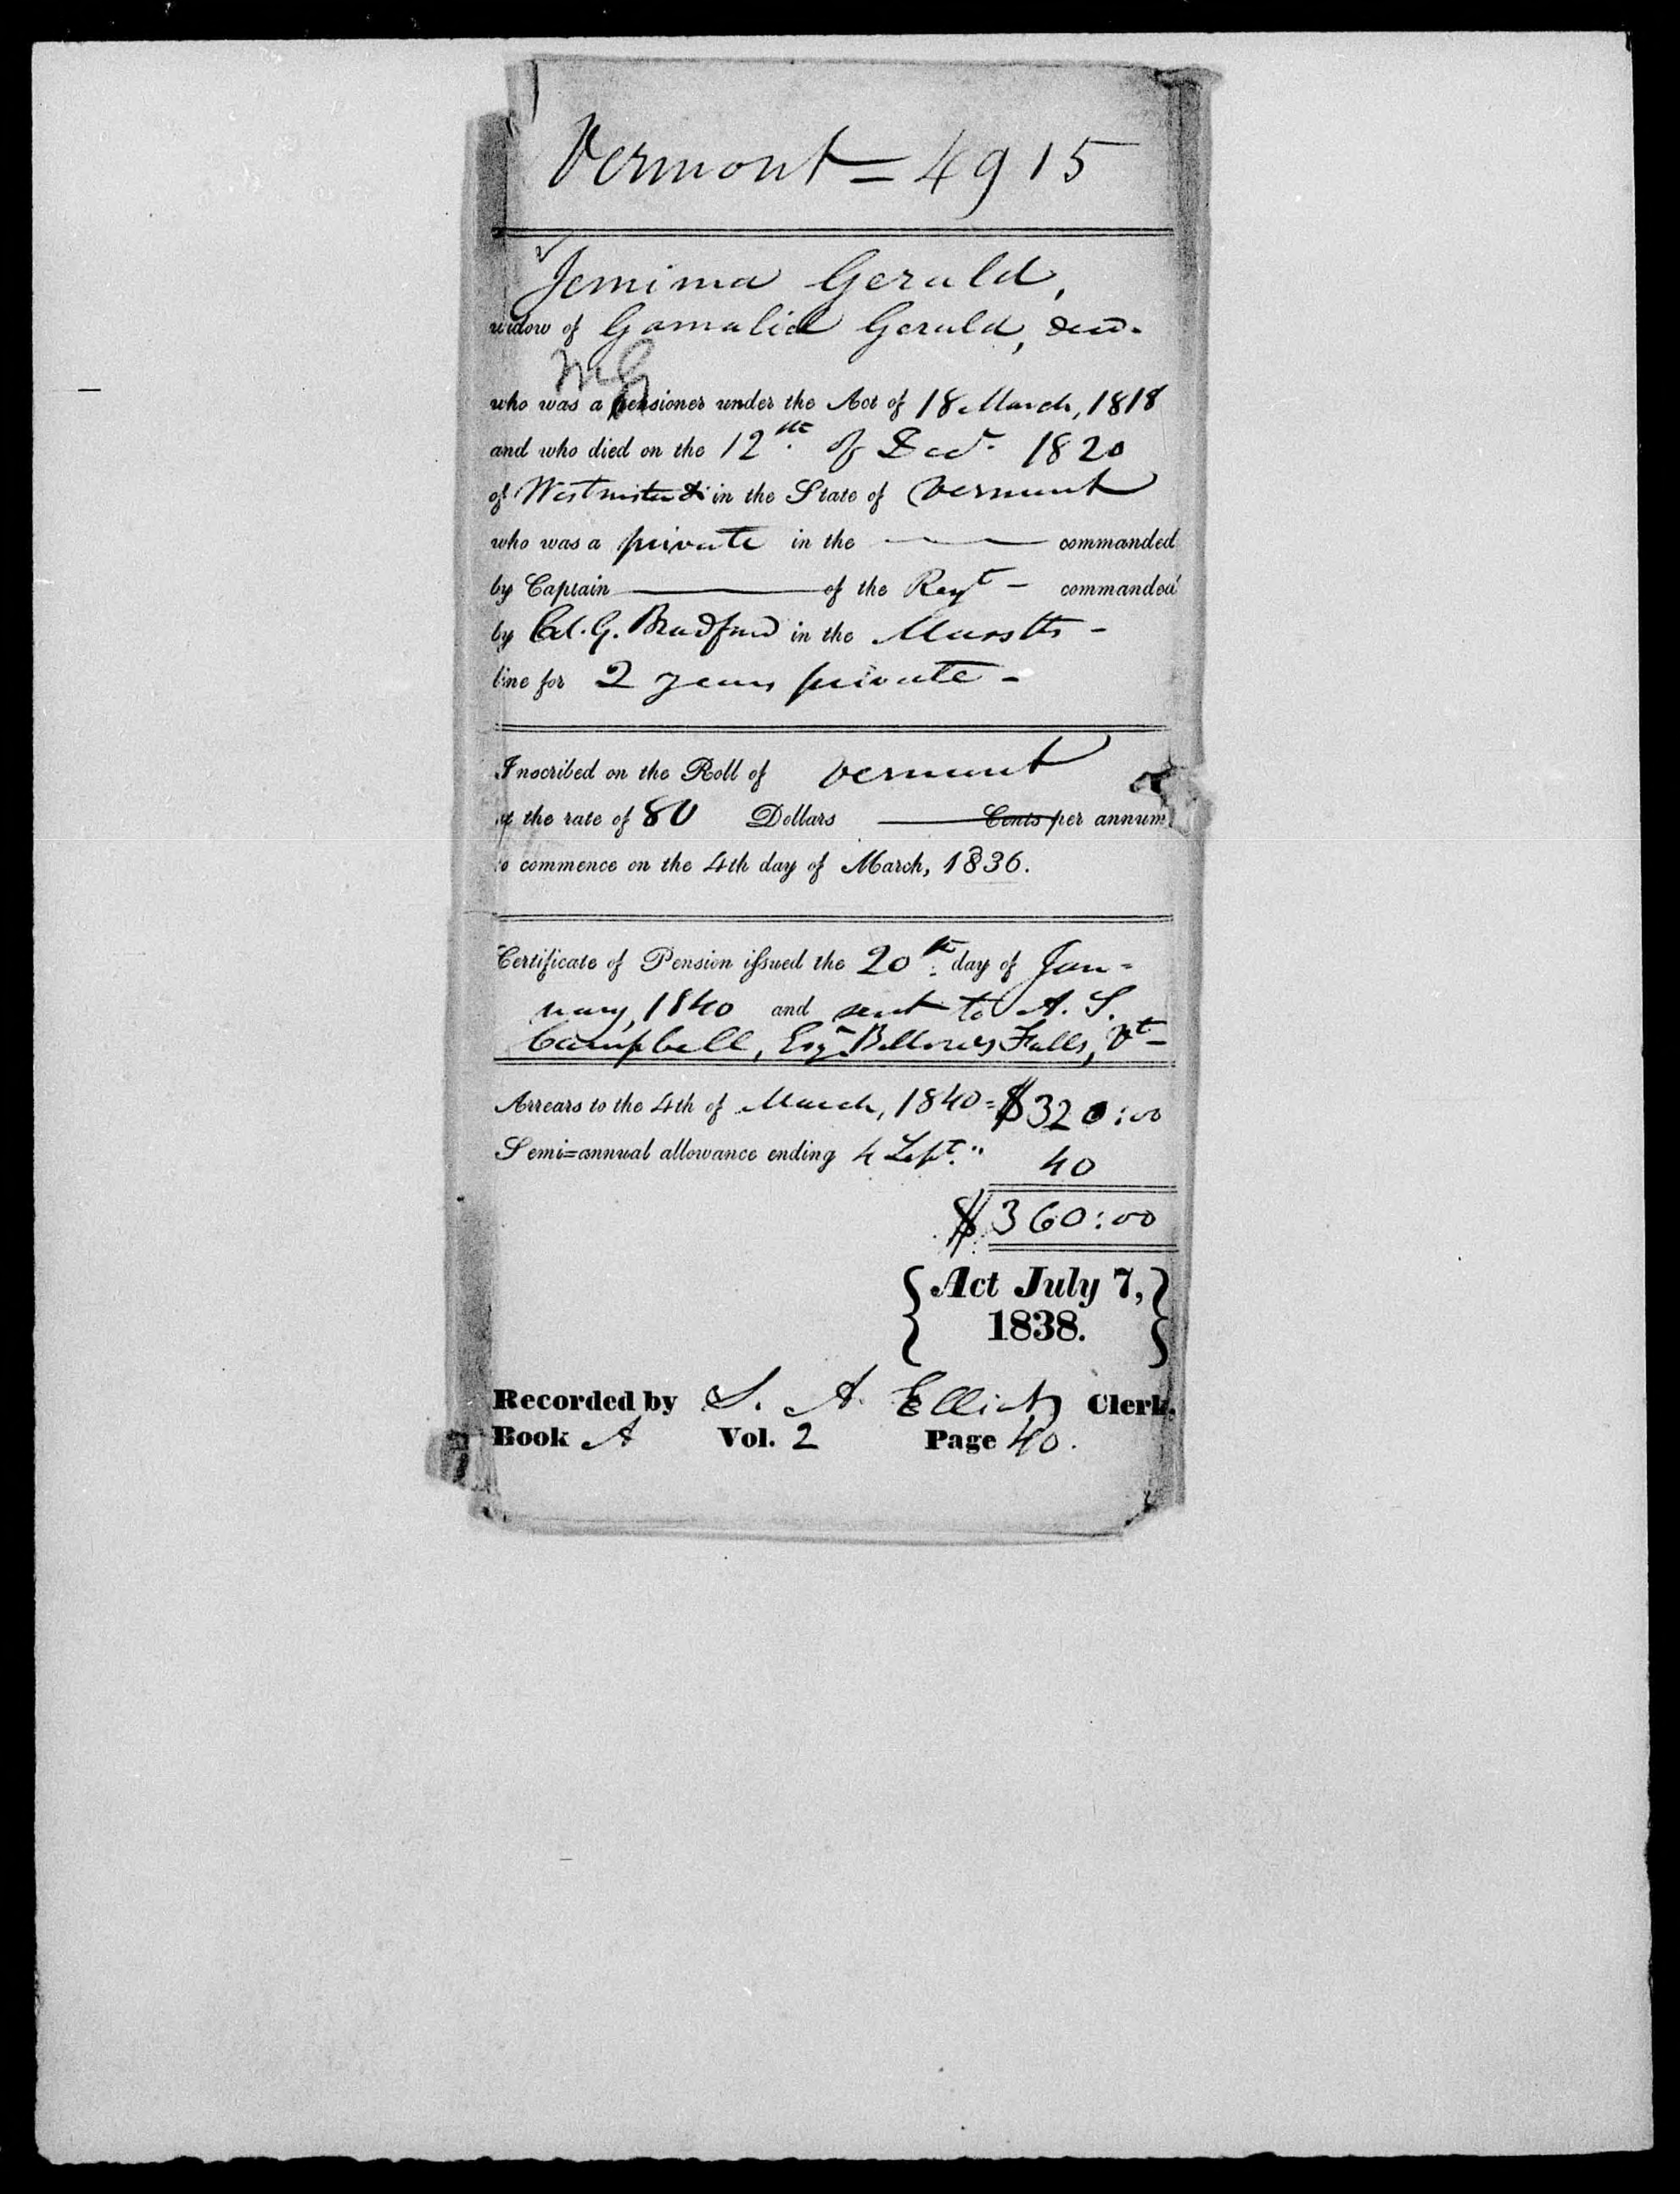Vermont - 4915

Jemima Gerald, widow of Gamaliel Gerald, dec. who was a pensioner under the Act of 18th March, 1818 and who died of 12th of Dec. 1829 of Westminster & in the Sate of Vermont who was a private in the ------ commanded by Captain ---------- of the Regt - commanded by Col. G. Bradford in the Massachusetts - line for 2  years private

Inscribed on the Roll of Vermont at the rate of 80 Dollars per annum to commence on the 4th day of March, 1836

Certificate of Pension issued the 20th day of January, 1840 and sent to A.J. Campbell, Esq. 
Bellows Falls, Vt.

Arrears to the 4th of March, 1840 =    $320.00
Semi-annual allowance ending 4 Sept.   40.00
                                                              $360.00

{Act July 7, 1838}

Recorded by S. A. Elliott Clerk
Book A, Vol. 2 Page 40.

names: S A Elliot, Gamaliel Gerald, A S Campbell, Jemima Gerald, G Bradford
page: 6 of 26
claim: widow's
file: W. 25619, Gamaliel Gerald, Mass.